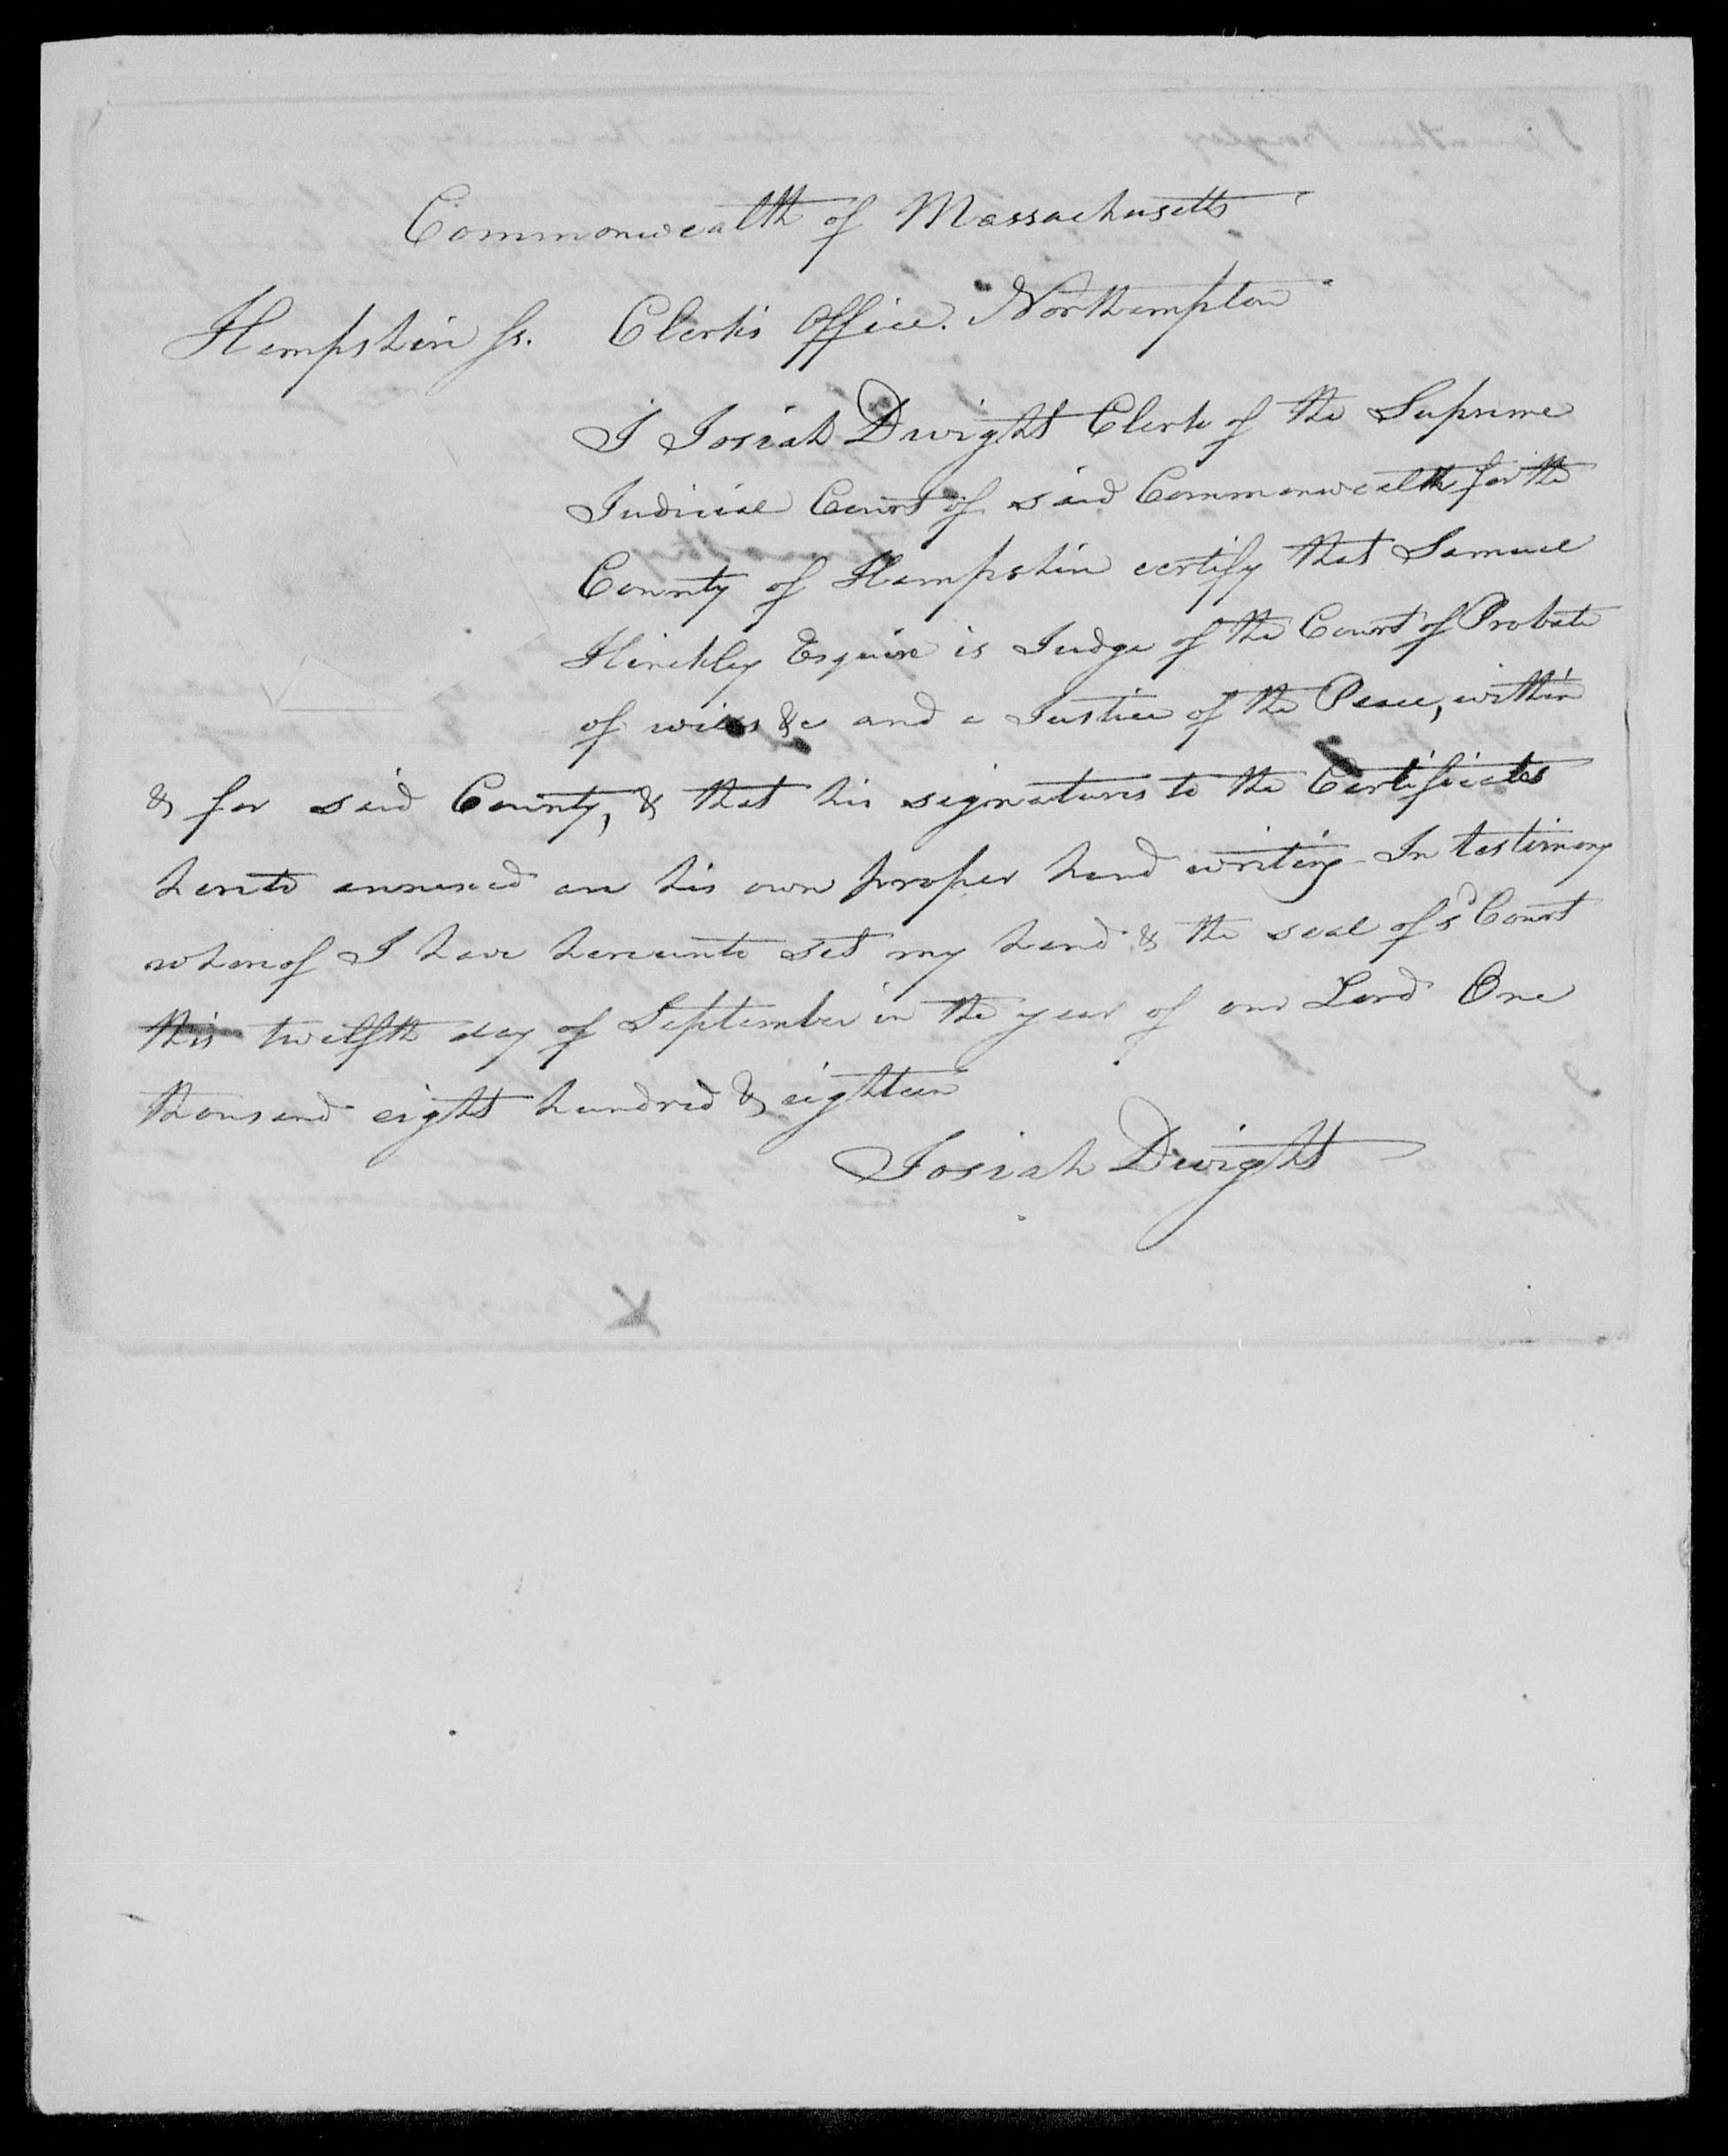Commonwealth of Massachusetts
Hampshire's Clerk's Office Northampton

I Josiah Dwight Clerk of the Supreme Judicial Court of said Commonwealth for the County of Hampshire certify that Samuel Hinckley Esquire is Judge of the Court of Probate of Will & a Justice of the Peace, within & for said County, & that his signatures to the Certificates hereto answered  are his own proper hand writing. In testimony whereof I have hereunto set my hand & the seal of Court this twelfth day of September in the year of our Lord One thousand and eight hundred & eighteen

Josiah Dwight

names: Josiah Dwight, Samuel Hinckley, Josiah Dwight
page: 25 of 26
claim: widow's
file: W. 21,238, Timothy Guilford, Mass.